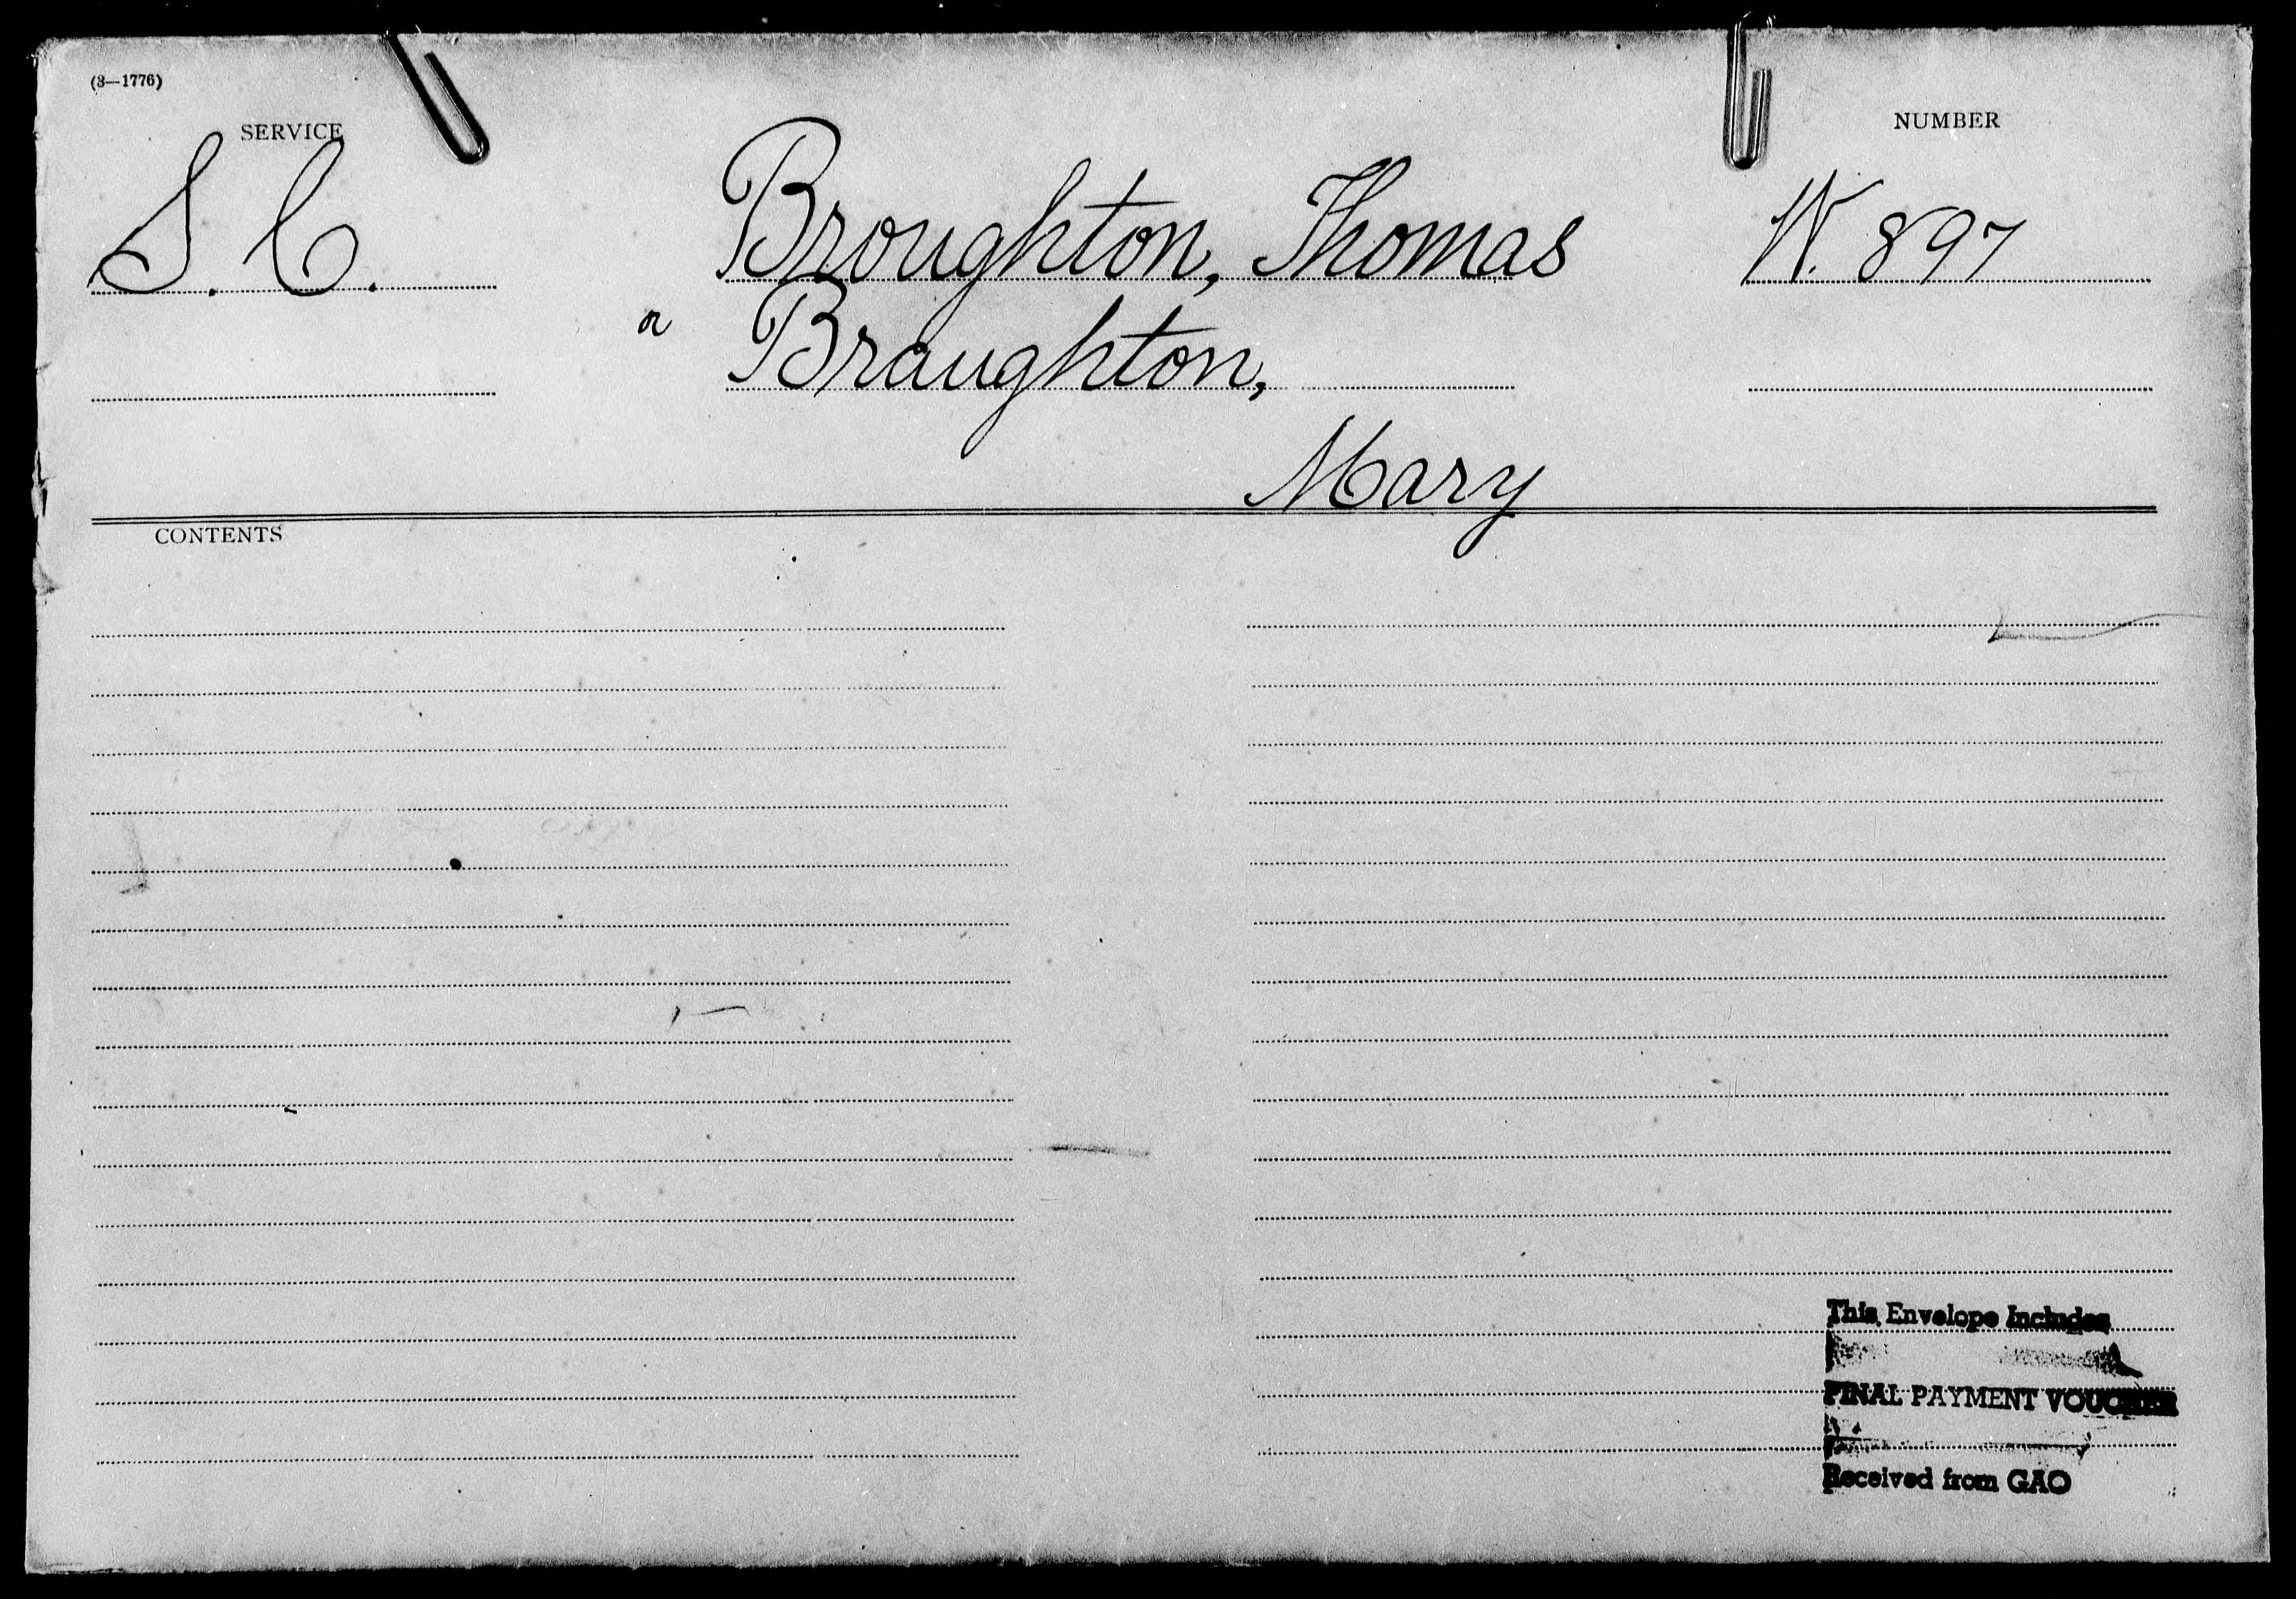(3-1776)

SERVICE
S.C. 

Broughton, Thomas 
or Braughton, 
Mary 

NUMBER
W. 897 

CONTENTS

[stamp]
This Envelope Includes 
FINAL PAYMENT VOUCHER 
Received from GAO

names: Thomas Braughton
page: 1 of 72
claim: widow's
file: W. 897, Thomas Broughton, S.C.